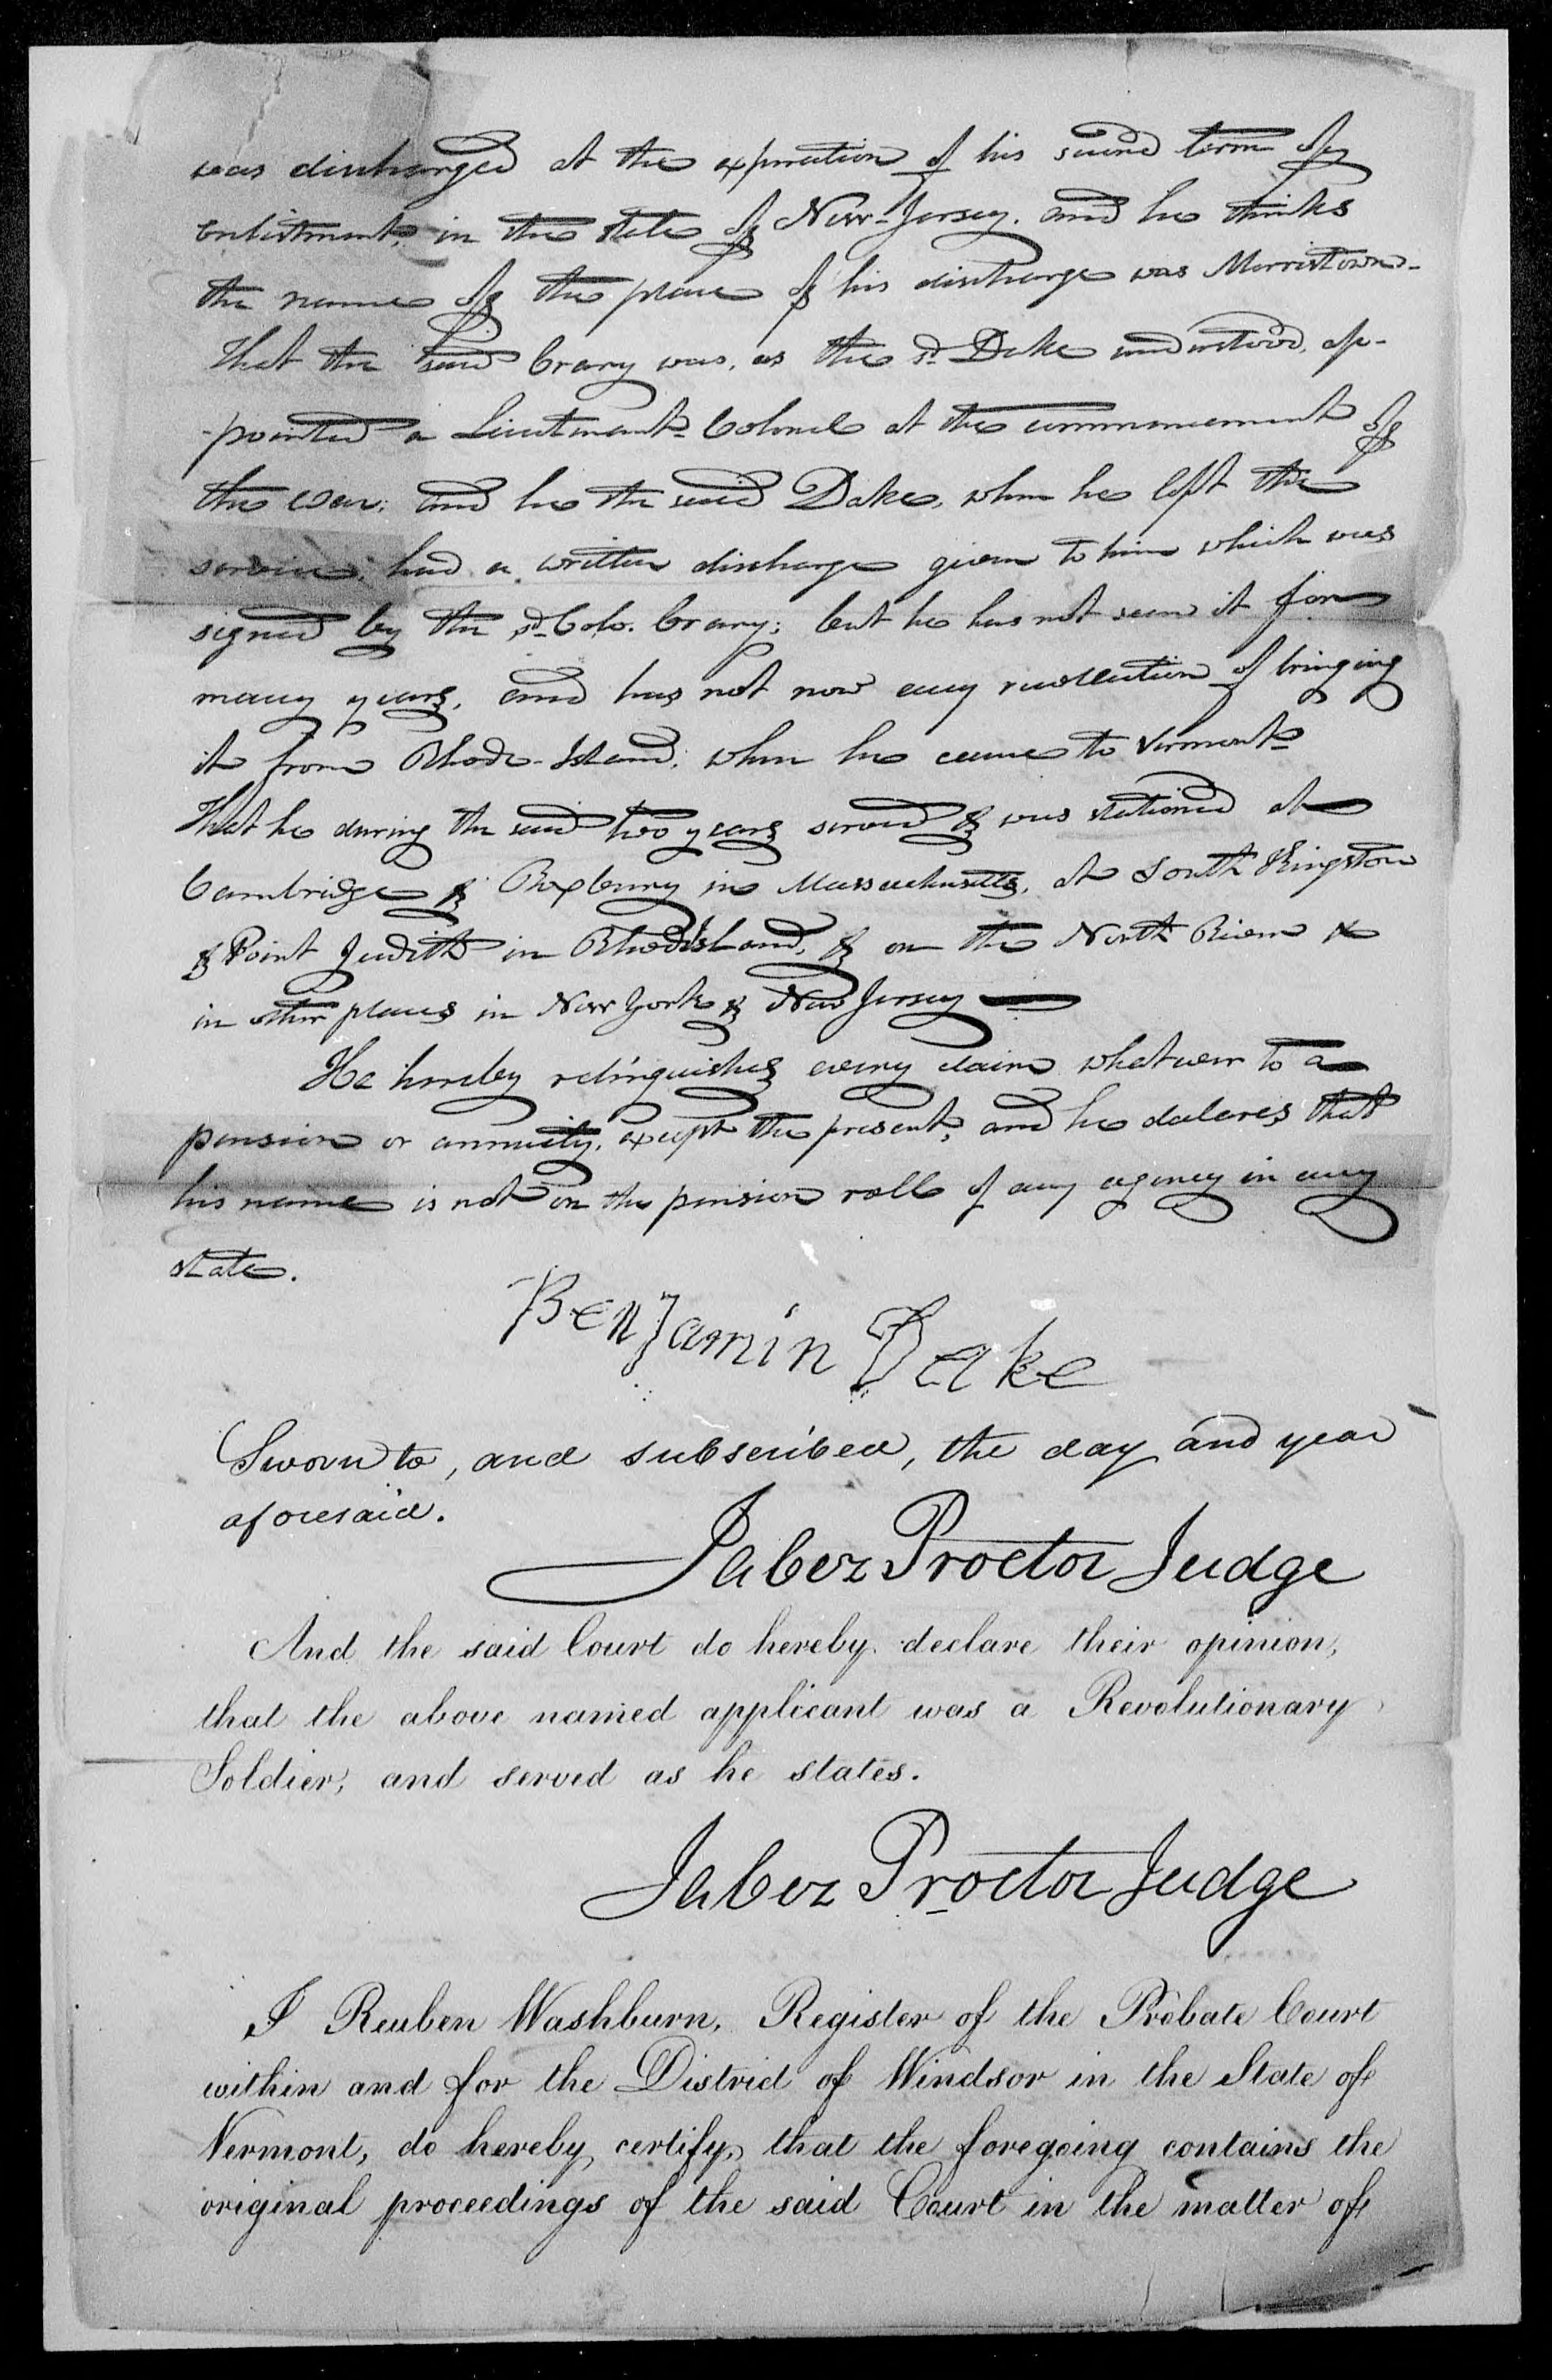was discharged at the expiration of his second term of his enlistment in the state of New Jersey and he thinks the place of his discharge was Morristown. That the same Crary was, as this sd Dake remembers reappointed a Lieutenant Colonel at the commencement of the war and he the sad Dake when he left the service had a written discharge given to him which was signed by the Col Crary; but he has not seen it for many years And has not not now any recollection of bringing it from Rhode Island when he came to Vermont. That during his said two years of served & was stationed at Cambridge  [illegible] in Massachusetts, at South Kingston & Point Judith in Rhode Island & on the North [illegible] & in other places in New York & New Jersey.
He hereby relinquishes every claim whatever to a pension or annuity, except the present, and he declares that his name is not on the pension rolls of any agency in any state.
[signed] Benjamin Dake

Sworn to and subscribed the day and year aforesaid
Jaber Proctor Judge
And the said court do hereby declare their opinion that the above named applicant was a revolutionary Soldier and served as he states.
Jaber Proctor Judge

I Reuben Washburn, Register of the Probate Court within and for the District of Windsor in the State of Vermont do hereby certify that the foregoing contains the original proceedings of the said Court in the matter of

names: Dake, Dake, Jabez Proctor, Reuben Washburn, Jabez Proctor, Crary, Benjamin Dake, Crary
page: 3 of 42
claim: rejected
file: R. 2,625, Benjamin Dake, R.I.